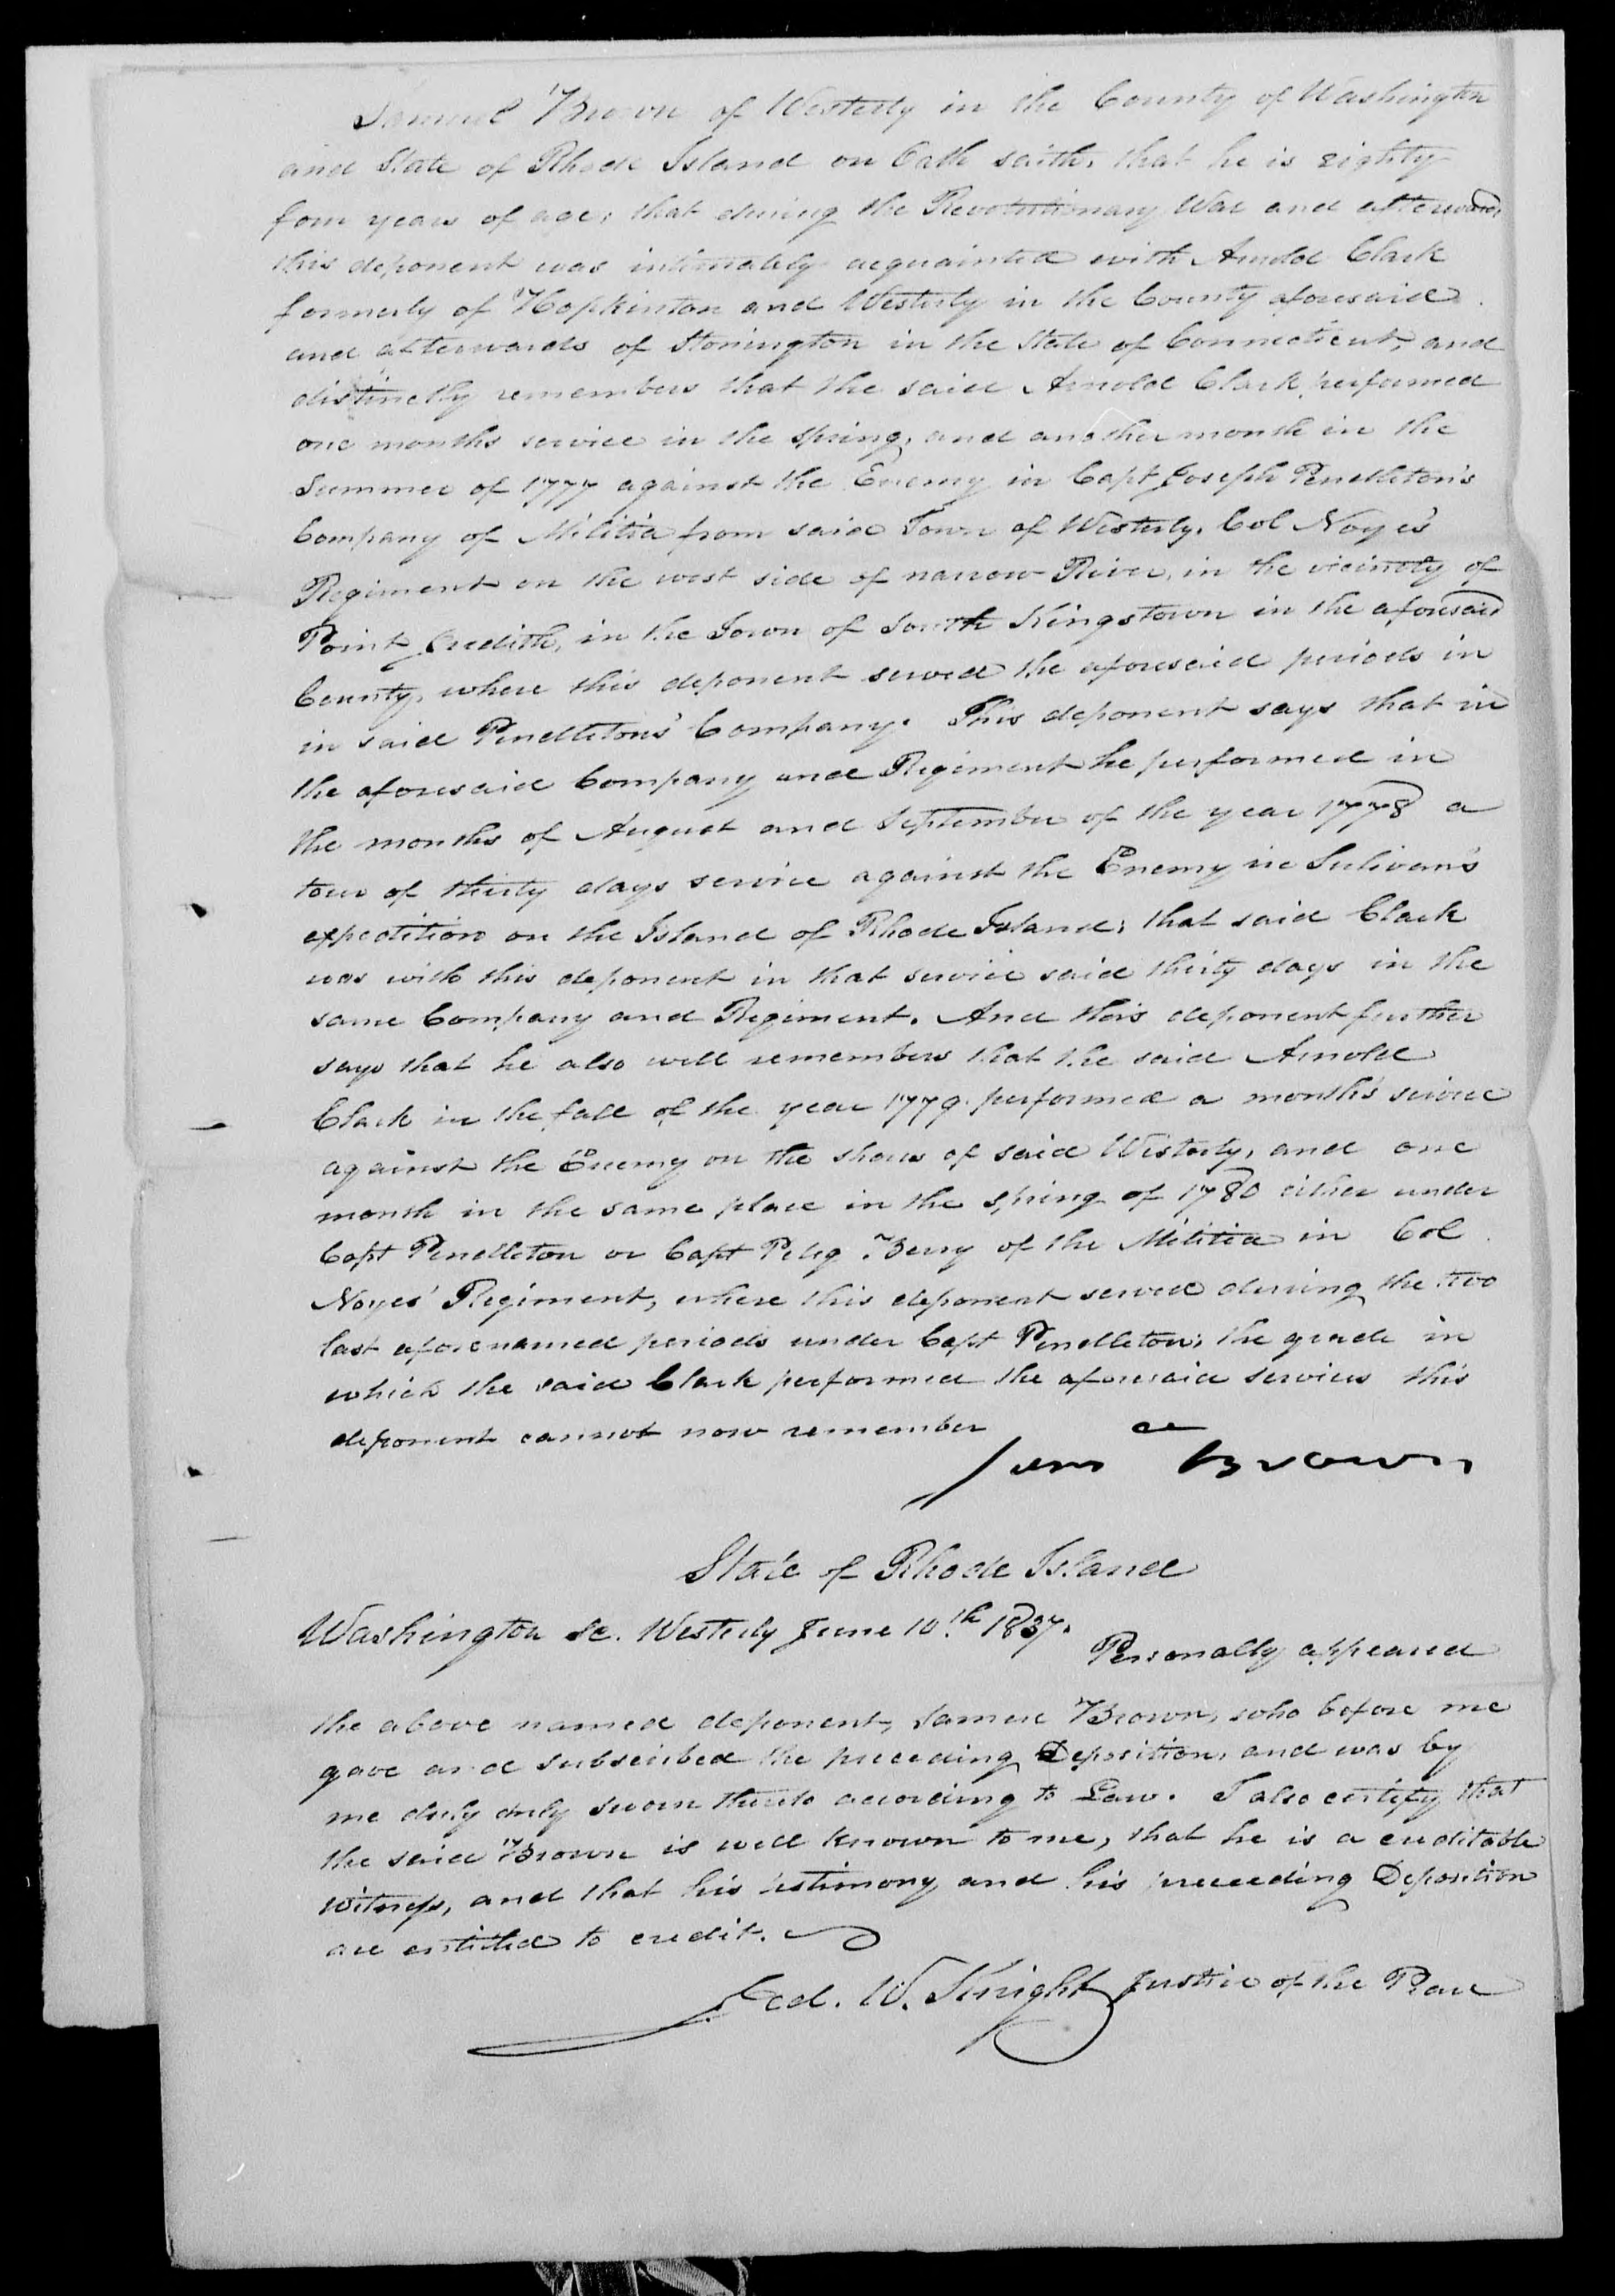Samuel Brown of Westerly in the county of Washington and state of Rhode Island on oath saith that he is eighty four years of age, that during the Revolutionary War and afterwards, this deponent was intimately acquainted with Arnold Clark formerly of Hopkinton and Westerly in the county aforesaid and afterwards of Stonington in the state of Connecticut, and distinctly remembers that the said Arnold Clark performed one months serve in the spring; and another month in the summer of 1777 against the enemy in Capt Joseph Pendleton's Company of Militia from said town of Westerly. Col Noyes' Regiment on the west side of narrow River, in the vicinity of Point Judith, in the town of South Kingstown in the aforesaid county, where this deponent served the aforesaid periods in in said Pendleton's Company. This deponent says that in the aforesaid Company and Regiment he performed in the months of August and September of the year 1778 a tour of thirty days service against the enemy in Sulivan's expedition on the Island of Rhode Island; that said Clark was with this deponent in that service said thirty days in the same Company and Regiment. And this deponent further says that he also well remembers that the said Arnold Clark in the fall of the year 1779 performed a month's service against the enemy on the shores of said Westerly, and one month in the same place in the spring of 1780 either under Capt Pendleton or Capt Peleg Berry of the Militia in Col Noyes' Regiment, where this deponent served during the two last aforenamed periods under Capt Pendleton's the grade in which the said Clark performed the aforesaid service this deponent cannot now remember.
Sam Brown

State of Rhode Island Washington Sc. Westerly June 10th 1837
Personally appeared the above named deponent, Samuel Brown, who before me gave and subscribed the preceding Deposition, and was by me duly duly sworn thereto according to law. I also certify that the said Brown is well known to me, that he is a creditable witness, and that his testimony and his preceeding Deposition are entitled to credit.
Jed. W. Knight, Justice of the Peace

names: Samuel Brown, Samel Brown, Clark, Pendleton, Arnold Clark, Arnold Clark, Pendleton, Brown, Arnold Clark, Clark, Samuel Brown, Jed W Knight, Peleg Berry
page: 40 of 48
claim: widow's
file: W. 17,628, Arnold Clarke, R.I.